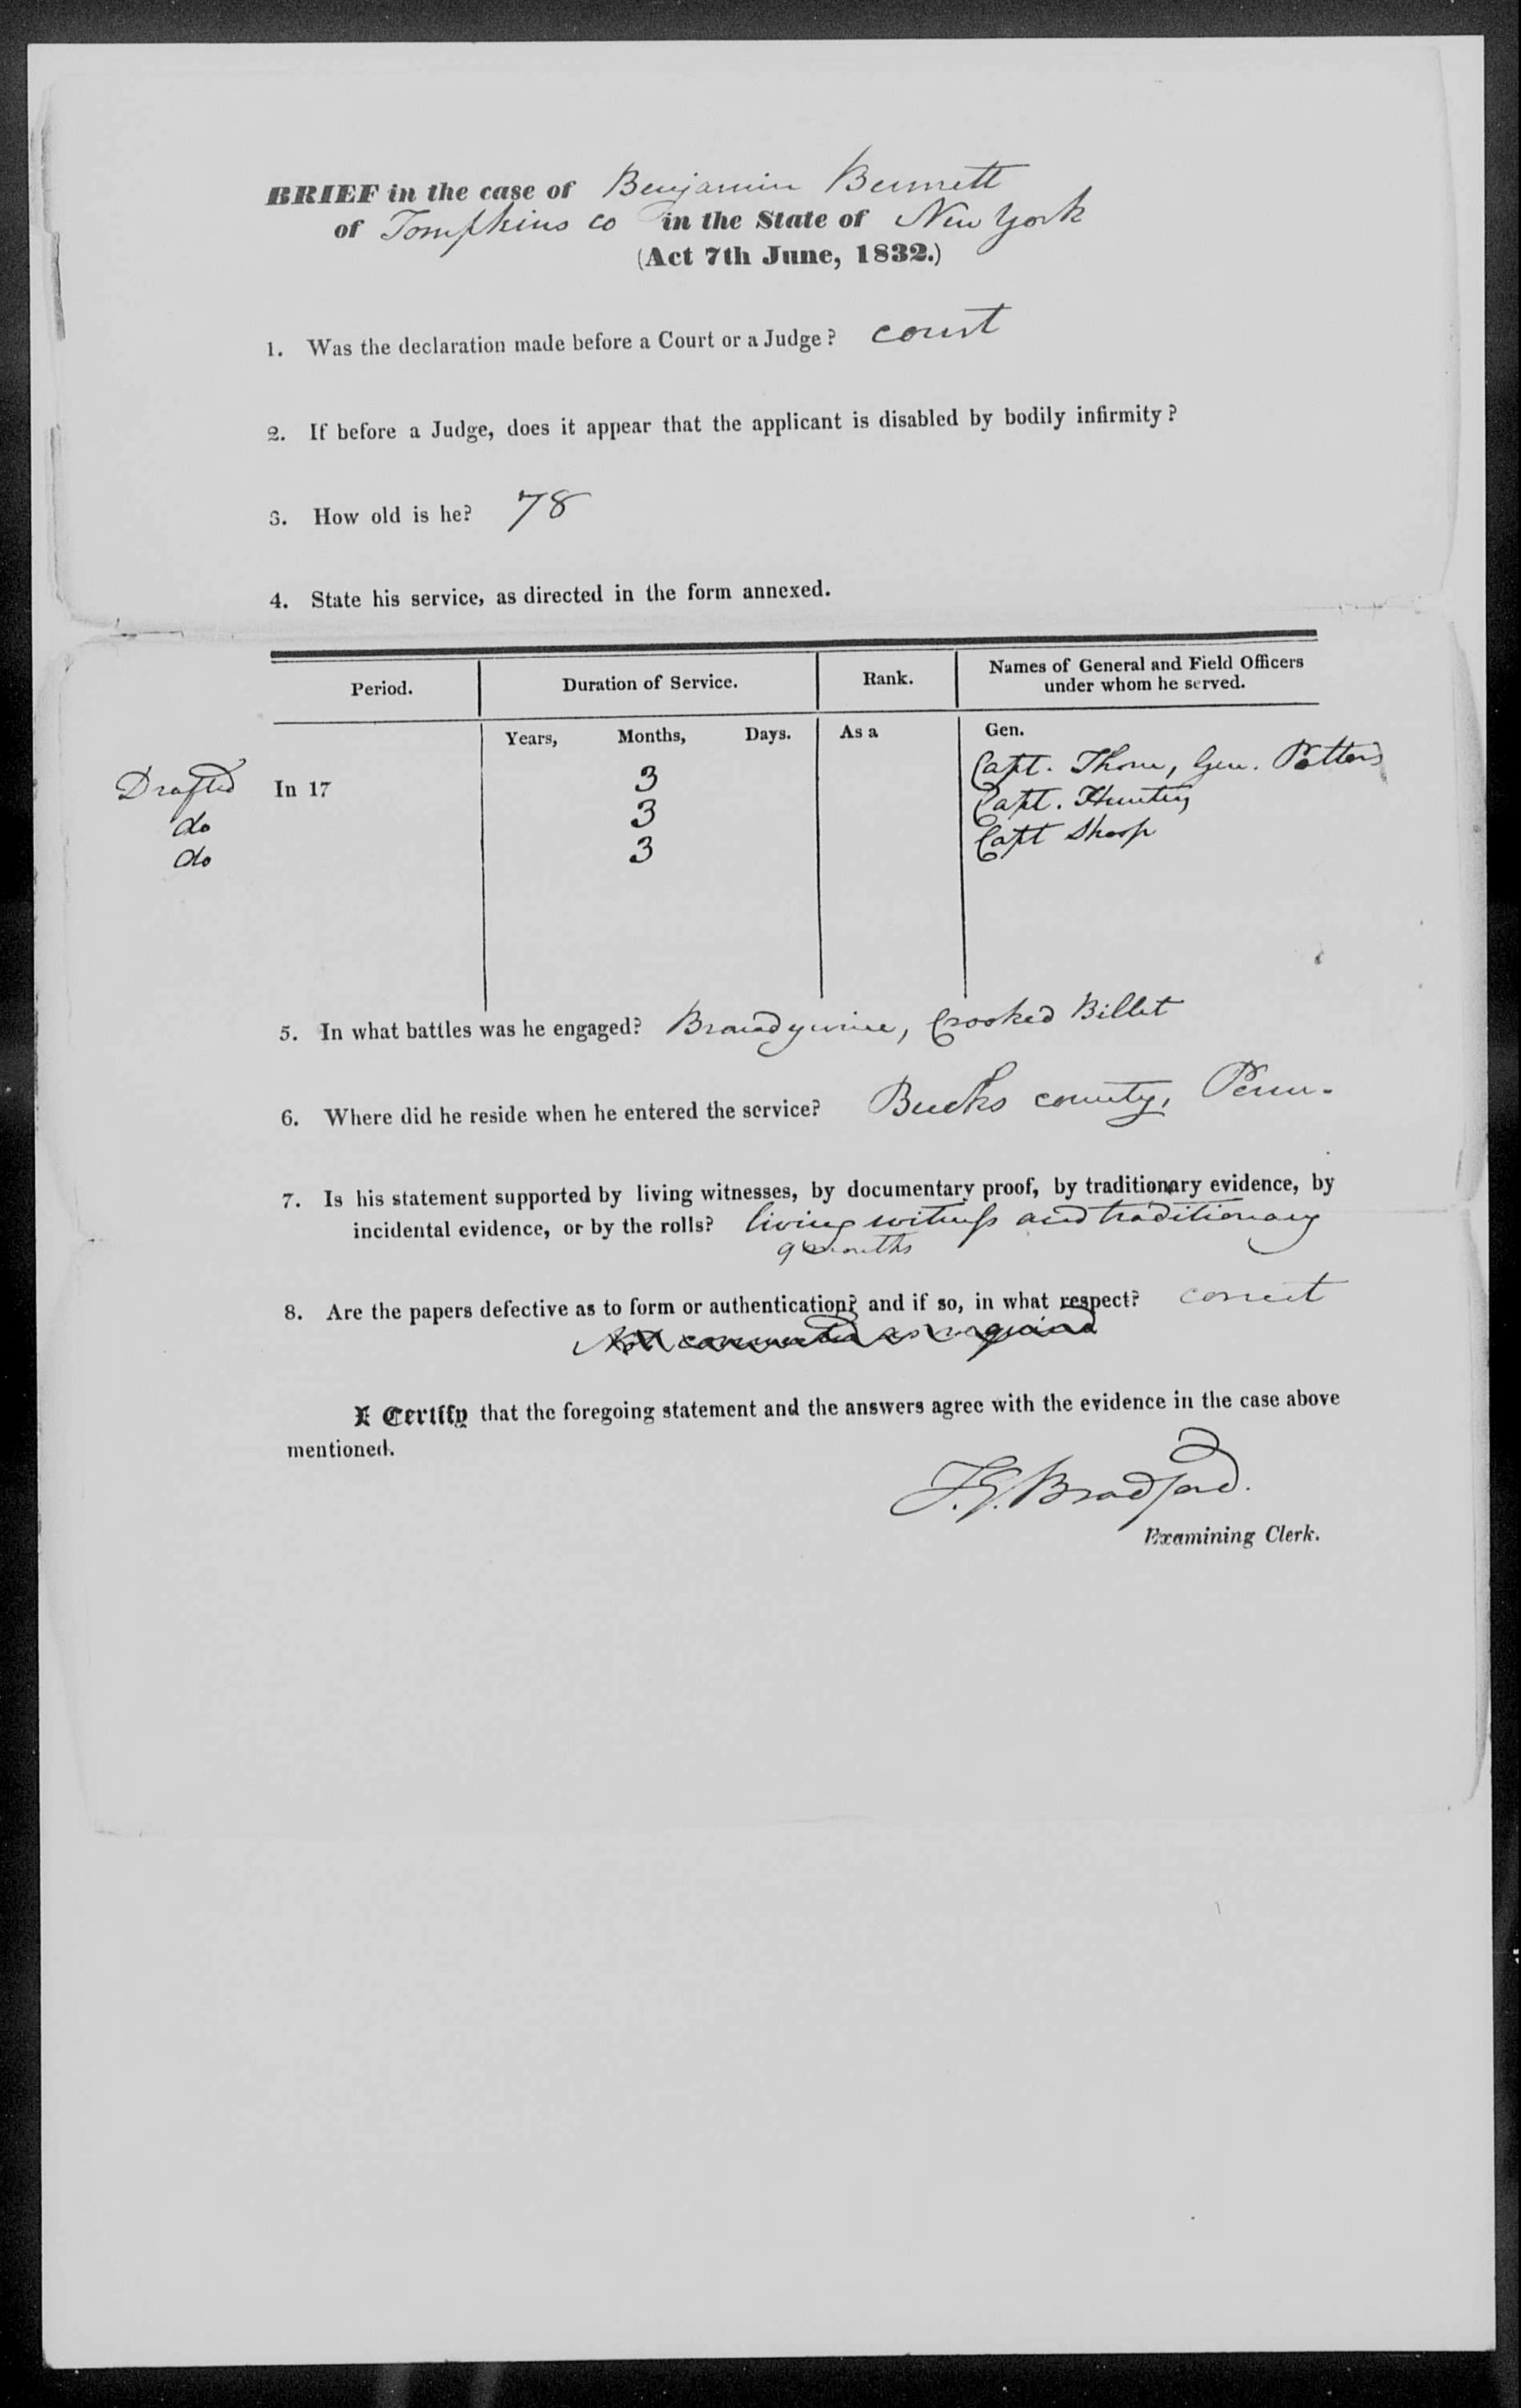[printed form with hand written responses]
BRIEF in the case of Benjamin Bennett of Tompkins Co in the State of New York (Act 7th June, 1832.)

1. Was the declaration made before a Court or a Judge? Court
2. If before a Judge, does it appear that the applicant is disabled by bodily infirmity?
3. How old is he? 78
4. State his service, as directed in the form annexed.

[table with 6 columns and 4 rows including row of headings]
[row of column headings] Period. | Duration of Service. Years, | Months, | Days. | Rank. As a | Names of General and Field Officers under whom he served. Gen. 
[row 2] Drafted In 17 | | 3 | | | Capt. Thorn, Gen. Potter's
[row 3] do [ditto] | | 3 | | | Capt. Hunter
[row 4] do [ditto] | | 3 | | | Capt. Shoop

5. In what battles was he engaged? Brandywine, Crooked Billet
6. Where did he reside when he entered the service? Bucks county, Penn-
7. Is his statement supported by living witnesses, by documentary proof, by traditionary evidence, by incidental evidence, or by the rolls?  living witness and traditionary 9 months
8. Are the papers defective as to form or authentication? and if so, in what respect? Correct [Not connected as required -- crossed out] 

I Certify that the foregoing statement and the answers agree with the evidence in the case above mentioned. J. E Bradford. [signature] Examining Clerk.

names: Hunter, Potter, T G Bradford, Shoop, Benjamin Bennett, Thorn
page: 9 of 16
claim: survivor's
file: S. 12175, Benjamin Bennett, Penn.